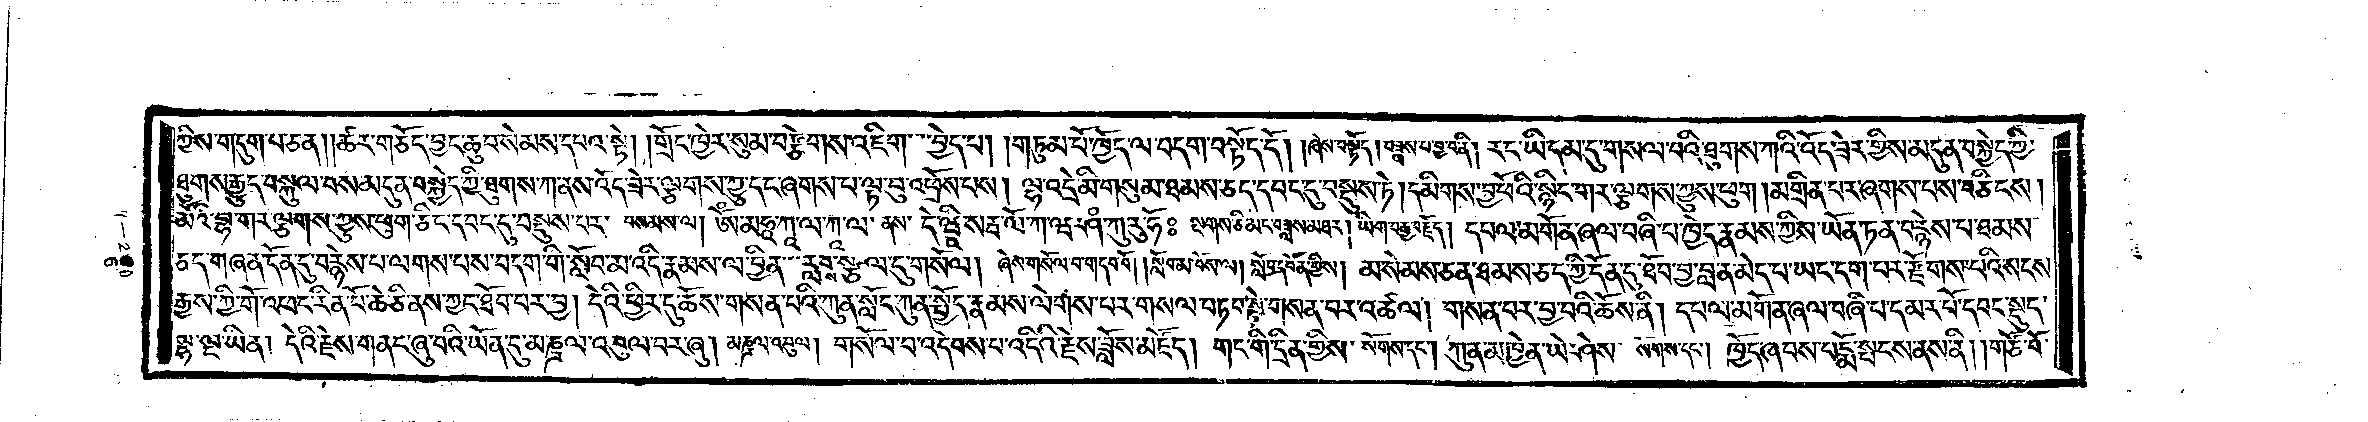ཀྱི་གདུག་པ་ཅན། །ཚར་གཅོད་བྱང་ཆུབ་སེམས་དཔའ་སྟེ། །གྲོང་ཁྱེར་སུམ་བརྩེགས་འཇིག་བྱེད་པ། །གསུམ་པོ་ཁྱོད་ལ་བདག་བསྟོད་དོ། །ཞེས་བསྟོད། བཟླས་པ་བྱ་བ་ནི།  རང་ཡི་དམ་དུ་གསལ་བའི་ཐུགས་ཀའི་འོད་ཟེར་གྱིས་མདུན་བསྐྱེད་ཀྱི་
ཐུགས་རྒྱུད་བསྐུལ་བས་མདུན་བསྐྱེད་ཀྱི་ཐུགས་ཀ་ནས་འོད་ཟེར་ལྕགས་ཀྱུ་དང་ཞགས་པ་ལྟ་བུ་འཕྲོས་པས། ལྷ་འདྲེ་མི་གསུམ་ཐམས་ཅད་དབང་དུ་བསྡུས་ཏེ། དམིགས་བྱ་ཕོའི་སྙིང་གར་ལྕགས་ཀྱུས་ཕུག །མགྲིན་པར་ཞགས་པས་བཅིངས།
ཐོའི་ལྷ་གར་ལྕགས་ཀྱུས་ཕུག་ཅིང་དབང་དུ་བསྡུས་པར་བསམས་ལ་ཨོཾ་མཧཱ་ཀཱ་ལ་ཀཱ་ནས་དེ་ཝཱི་སརྦ་ལོ་ཀ་ཝ་ཤཾ་ཀུ་རུ་ཧོཿ སྔགས་ཅི་མང་བཟླས་མཐར། ཡིག་བརྒྱ་བརྗོད།  དཔལ་མགོན་ཞལ་བཞི་པ་ཁྱེད་རྣམས་ཀྱིས་ཡོན་ཏན་བརྙེས་པ་ཐམས་
ཅད་གཞན་དོན་དུ་བརྙེས་པ་ལགས་པས་བདག་གི་སློབ་མ་འདི་རྣམས་ལ་བྱིན་རླབས་སྩལ་དུ་གསོལ། ་ཞེས་གསོལ་བ་གདབ་བོ། །སློབ་མ་པོས་ལ། སློབ་དཔོན་གྱིས།  མ་སེམས་ཅན་ཐམས་ཅད་ཀྱི་དོན་དུ་ཐོབ་བྱ་བླ་ན་མེད་པ་ཡང་དག་པ་རྫོགས་པའི་སངས་
རྒྱས་ཀྱི་གོ་འཕང་རིན་པོ་ཆེ་ཅི་ནས་ཀྱང་ཐོབ་བར་བྱ། དེའི་ཕྱིར་དུ་ཆོས་གསན་པའི་ཀུན་སློང་ཀུན་སྤྱོད་རྣམས་ལེགས་པར་གསལ་བཏབ་སྟེ་གསན་བར་འཚལ། གསན་པར་བྱ་བའི་ཆོས་ནི། དཔལ་མགོན་ཞལ་བཞི་པ་དམར་པོ་དབང་སྡུད་
ལྷ་ལྔ་ཡིན། དེའི་རྗེས་གནང་ཞུ་བའི་ཡོན་དུ་མཎྜལ་འབུལ་བར་ཞུ། མཎྜལ་འབུལ།  གསོལ་བ་འདེབས་པ་འདིའི་རྗེས་ཟློས་མཛོད། གང་གི་དྲིན་གྱིས་སོགས་དང་།  ཀུན་མཁྱེན་ཡེ་ཤེས་སོགས་དང་།  ཁྱེད་ཞབས་པདམོ་སྤངས་ནས་ནི། །གཙོ་བོ་